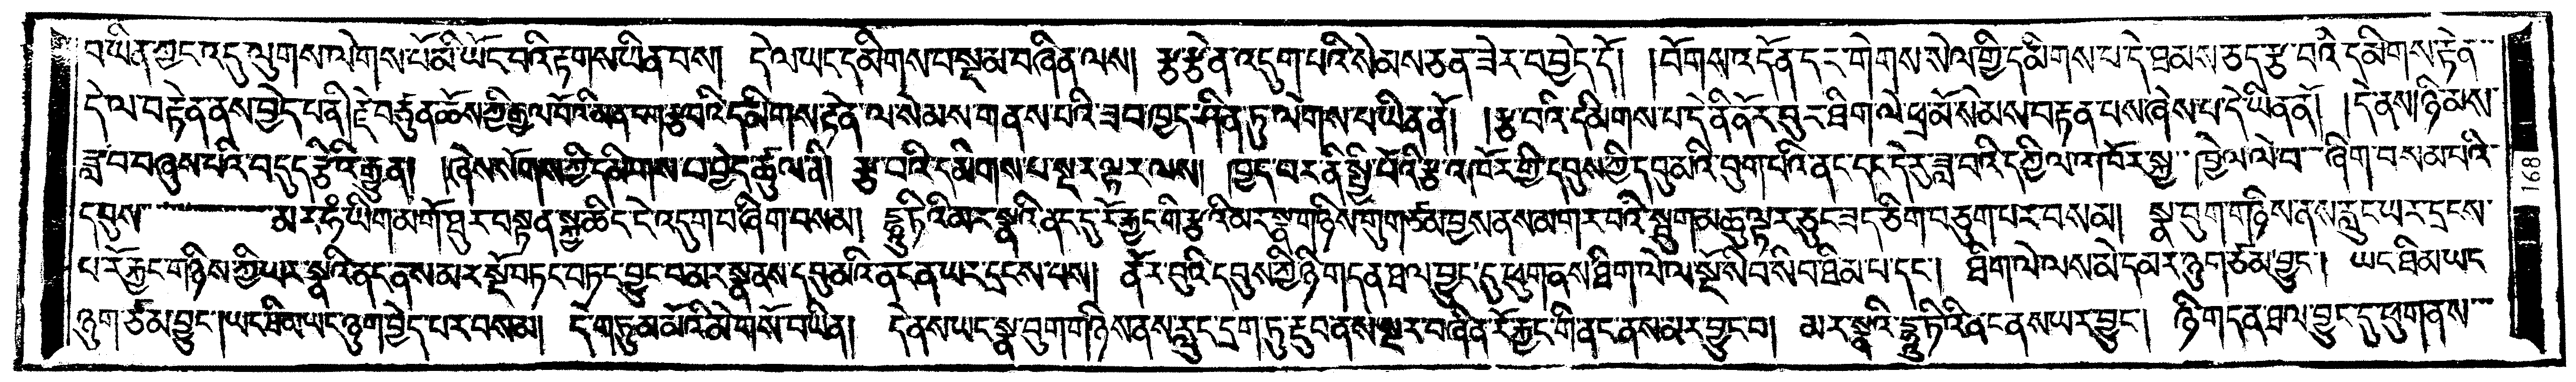བ་ཡིན་ཀྱང་འདུ་ལུགས་ལེགས་པོ་མི་ཡོང་བའི་རྟགས་ཡིན་པས། དེ་ལ་ཡང་དམིགས་པ་སྔ་མ་བཞིན་ལས། རྩ་རྩེན་འདུག་པའི་སེམས་ཅན་ཟེར་བ་བྱེད་དོ། །བོགས་འདོན་དང་གེགས་སེལ་གྱི་དམིགས་པ་དེ་ཐམས་ཅད་རྩ་བའི་དམིགས་རྟེན་
དེ་ལ་བརྟེན་ནས་བྱེད་པ་ནི། རྗེ་བཙུན་ཆོས་ཀི་རྒྱལ་པོའི་མན་ངག་རྩ་བའི་དམིགས་རྟེན་ལ་སེམས་གནས་པའི་ཟབ་ཁྱད་ཤིན་ཏུ་ལེགས་པ་ཡིན་ནོ། །རྩ་བའི་དམིགས་པ་དེ་ནི་ནོར་བུར་ཐིག་ལེ་ཕྲ་མོ་སེམས་བརྟན་པས་ཞེས་པ་དེ་ཡིན་ནོ། །དེ་ནས། ཉི་མས་
ཟླ་བ་བཞུས་པའི་བདུད་རྩིའི་རྒྱུན། །ཞེས་སོགས་ཀྱི་དམིགས་པ་བྱེད་ཚུལ་ནི། རྩ་བའི་དམིགས་པ་སྔར་ལྟར་ལས། ཁྱད་པར་ནི་སྤྱི་བོའི་རྩ་འཁོར་གྱི་དབུས་ཀྱི་དབུ་མའི་བུག་པའི་ནང་དང་དེ་རུ་ཟླ་བའི་དཀྱིལ་འཁོར་སྐྱ་ཁྱེལ་ལེབ་ཞིག་བསམ་པའི་
དབུས་མར་ཧཾ་ཡིག་མགོ་ཐུར་བསྟན་སྐྱ་ཆིང་དེ་འདུག་པ་ཞིག་བསམ། དྷཱུ་ཏིའི་མར་སྣའི་ནང་དུ་རོ་རྐྱང་གི་རྩའི་མར་སྣ་གཉིས་གུག་ཙམ་བྱས་ནས་མགར་བའི་སྦུག་མཆུ་ལྟར་ཅུང་ཟད་ཅིག་བཅུག་པར་བསམ། སྣ་བུག་གཉིས་ནས་རླུང་ཡར་དྲངས་
པ་རོ་རྐྱང་གཉིས་ཀྱི་ཡར་སྣའི་ནང་ནས་མར་སྔོ་བཏང་བཏང་བྱུང་བ་མར་སྣ་ནས་དབུ་མའི་ནང་ན་ཡར་དྲངས་པས། ནོར་བུའི་དབུས་ཀྱི་ཉི་གདན་ཐལ་བྱུང་དུ་ཕུག་ནས་ཐིག་ལེ་ལ་སྔོ་སིབ་སིབ་ཐིམ་པ་དང་། ཐིག་ལེ་ལས་མེ་དམར་ཉུག་ཙམ་བྱུང་། ཡང་ཐིམ་ཡང་
ཉུག་ཙམ་བྱུང་། ཡང་ཐིམ་ཡང་ཉུག་བྱེད་པར་བསམ། དེ་གཏུམ་མོའི་མེ་གསོ་བ་ཡིན། དེ་ནས་ཡང་སྣ་བུག་གཉིས་ནས་རླུང་དྲག་ཏུ་རྡུབ་ནས་སྔར་བཞིན་རོ་རྐྱང་གི་ནང་ནས་མར་བྱུང་བ། མར་སྣའི་དྷཱུ་ཏིའི་ནང་ནས་ཡར་བྱུང་། ཉི་གདན་ཐལ་བྱུང་དུ་ཕུག་ནས་